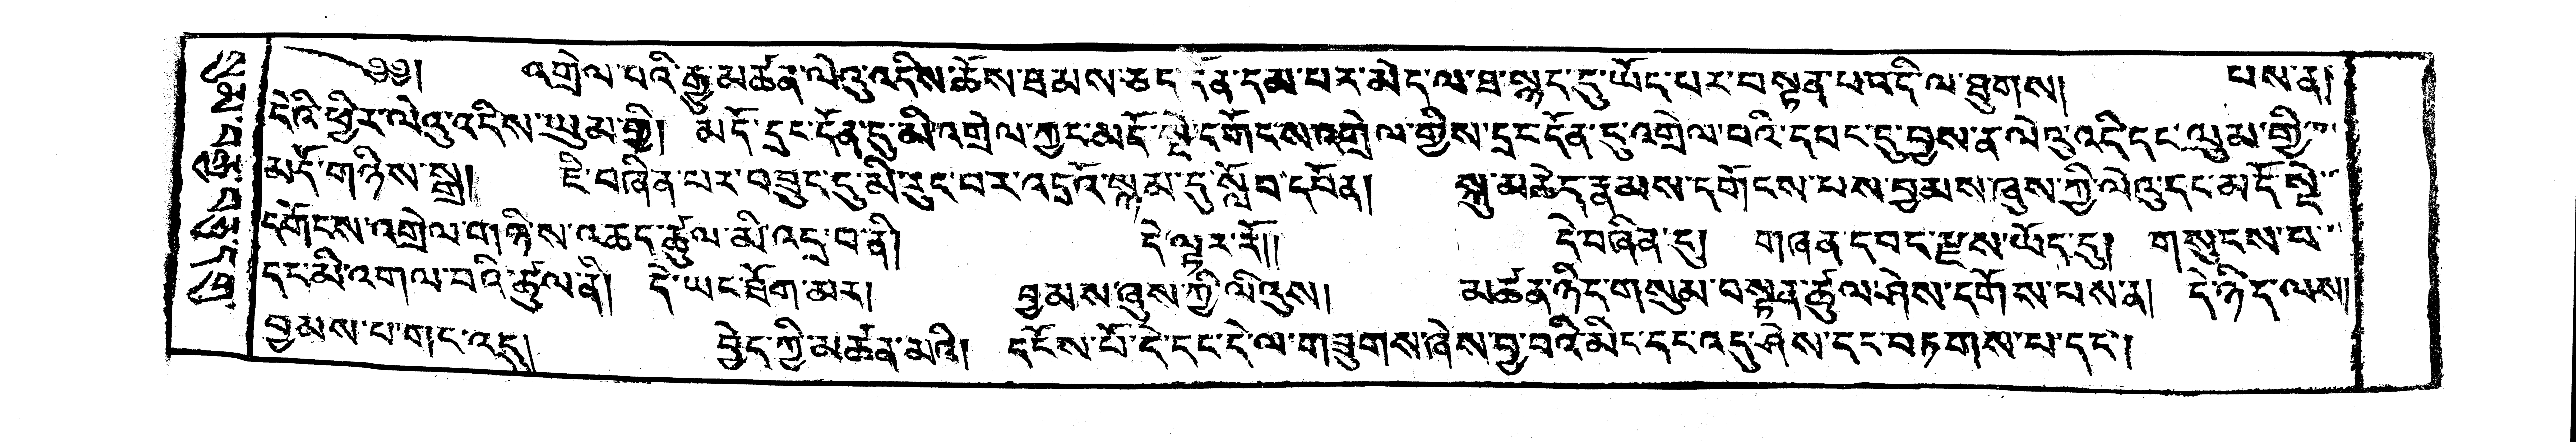༄༅། །འགྲེལ་པའི་རྒྱུ་མཚན་ལེའུ་འདིས་ཆོས་ཐམས་ཅད་དོན་དམ་པར་མེད་ལ་ཐ་སྙད་དུ་ཡོད་པར་བསྟན་པ་འདི་ལ་ཐུགས། པས་ན།
དེའི་ཕྱིར་ལེའུ་འདིས་ཡུམ་གྱི། མདོ་དྲང་དོན་དུ་མི་འགྲེལ་ཀྱང་མདོ་སྡེ་དགོངས་འགྲེལ་གྱིས་དྲང་དོན་དུ་འགྲེལ་བའི་དབང་དུ་བྱས་ན་ལེའུ་འདི་དང་ཡུམ་གྱི་
མདོ་གཉིས་སྒྲ། ཇི་བཞིན་པར་བཟུང་དུ་མི་རུང་བར་འདྲའོ་སྙམ་དུ་སློབ་དཔོན། སྐུ་མཆེད་རྣམས་དགོངས་པས་བྱམས་ཞུས་ཀྱི་ལེའུ་དང་མདོ་སྡེ་
དགོངས་འགྲེལ་གཉིས་འཆད་ཚུལ་མི་འདྲ་བ་ནི། དེ་ལྟར་རོ། །དེ་བཞིན་དུ། གཞན་དབང་རྫས་ཡོད་དུ། གསུངས་པ་
དང་མི་འགལ་བའི་ཚུལ་ནི། དེ་ཡང་ཐོག་མར། བྱམས་ཞུས་ཀྱི་ལིའུས། མཚན་ཉིད་གསུམ་བསྟན་ཚུལ་ཤེས་དགོས་པས་ན། དེ་ཉིད་ལས།
བྱམས་པ་གང་འདུ། བྱེད་ཀྱི་མཚན་མའི། དངོས་པོ་དེ་དང་དེ་ལ་གཟུགས་ཞེས་བྱ་བའི་མིང་དང་འདུ་ཤེས་དང་བཏགས་པ་དང་།